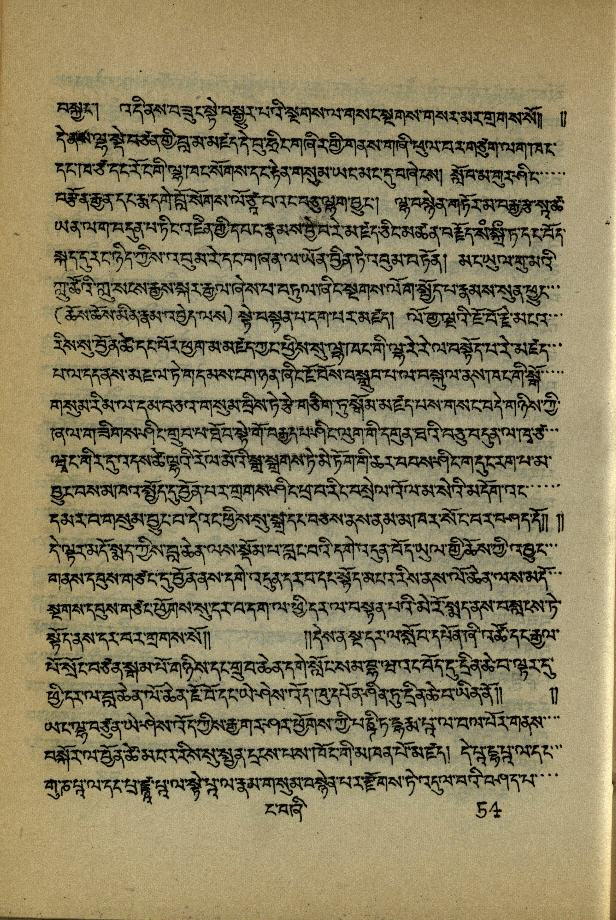བསྐྱང་། འདི་ནས་བཟུང་སྟེ་བསྒྱུར་པའི་སྔགས་ལ་གསང་སྔགས་གསར་མར་གྲགས་སོ།། །།
དེ་ནས་ལྷ་སྡེ་བཙན་གྱི་བླ་མ་མཛད་དེ་བུ་ཧྲིང་གཞིར་གྱི་གནས་གཞི་ཕུལ་བར་གཙུག་ལག་ཁང་
དང་ཁ་ཙ་དང་རོང་གི་ལྷ་ཁང་སོགས་དང་རྟེན་གསུམ་ཡང་མང་དུ་བཞེངས། སློབ་མ་གུར་ཤིང་
བརྩོན་རྒྱན་དང་རྨ་དགེ་བློ་སོགས་ལོ་ཙཱ་བའང་བཅུ་ལྷག་བྱུང་། ལྷ་བསྙེན་གཏོར་མ་བརྒྱ་རྩ་སཱ་ཚ་
ཡན་ལག་བདུན་པ་ཏིང་འཛིན་གྱི་དབང་རྣམས་བྱེ་བ་རེ་མཛད་ཅིང་མཚན་བརྗོད་སཾ་སྐྲྀ་ཏ་དང་བོད་
སྐད་དུ་རང་ཉིད་ཀྱིས་འབུམ་རེ་དང་གཞན་ལ་ཡོན་བྱིན་ཏེ་འབུམ་བཏོན། མང་ཡུལ་གུ་མའི་
ཀླུ་ཚོའི་ཀླུ་སངས་རྒྱས་སྐར་རྒྱལ་ཞེས་པ་བཏུལ་ཞིང་སྔགས་ལོག་སྤྱོད་པ་རྣམས་སུན་ཕྱུང་
ཆོས་ཆོས་མིན་རྣམ་འབྱེད་ལས་སྟེ་བསྟན་པ་དག་པར་མཛད། ལོ་གྱ་ལྔའི་ཇོ་བོ་རྗེ་མངའ་
རིས་སུ་བྱོན་ཚེ་དང་པོར་ཕྱག་མ་མཛད་ཀྱང་ཕྱིས་སུ་ལྷ་ཁང་གི་ལྷ་རེ་རེ་ལ་བསྟོད་པ་རེ་མཛད་
པ་ལ་དད་ནས་མཇལ་ཏེ་གདམས་ངག་ཉན་ཞིང་ཇོ་བོས་བསྒྲུབ་པ་ལ་བསྐུལ་ནས་ཁང་གི་སྒོ་
གསུམ་རིམ་ལ་དམ་བཅའ་གསུམ་བྲིས་ཏེ་རྩེ་གཅིག་ཏུ་སྒོམ་མཛད་པས་གསང་བདེ་གཉིས་ཀྱི་
ཞལ་གཟིགས་ཤིང་གྲུབ་པ་ཐོབ་སྟེ་གོ་བརྒྱད་པ་ཤིང་ལུག་གི་དགུན་ཐའི་བཅུ་བདུན་ལ་ཁྭ་ཙ་
ཝའང་གིར་དུ་འདས་ཚེ་ལྷའི་རོལ་མོའི་སྒྲ་སྒྲགས་ཏེ་མེ་ཏོག་གི་ཆར་བབས་ཤིང་གདུང་རག་པ་མ་
བྱུང་བས་མཁའ་སྤྱོད་དུ་བྱོན་པར་གྲགས་ཤིང་ཕྲ་བ་རིང་བསྲེལ་འོལ་མ་སེའི་མདོག་འང་
དམར་བ་གསུམ་བྱུང་བ་དེའང་ཕྱིས་སུ་སྒྲ་དང་བཅས་ནས་ནམ་མཁར་སོང་བར་བཤད་དོ།། །།
དེ་ལྟར་མདོ་སྨད་ཀྱིས་བླ་ཆེན་ལས་སྡོམ་པ་བླང་བའི་དགེ་འདུན་བོད་ཡུལ་གྱི་ཆོས་ཀྱི་འབྱུང་
གནས་དབུས་གཙང་དུ་བྱོན་ནས་དགེ་འདུན་དར་བ་དང་སྟོད་མངའ་རིས་ནས་ལོ་ཆེན་ལས་མདོ་
སྔགས་དབུས་གཙང་ཕྱོགས་སུ་དར་བ་དག་ལ་ཕྱི་དར་ལ་བསྟན་པའི་མེ་རོ་སྨད་ནས་བསླངས་ཏེ་
སྟོད་ནས་དར་བར་གྲགས་སོ།། །།དེས་ན་སྔ་དར་ལ་སློབ་དཔོན་ཞི་འཚོ་དང་རྒྱལ་
པོ་སྲོང་བཙན་སྒམ་པོ་གཉིས་དང་གྲུབ་ཆེན་དགེ་སློང་སམ་བྷ་ཝའང་བོད་དུ་དྲིན་ཆེ་བ་ལྟར་དུ་
ཕྱི་དར་ལ་བླ་ཆེན་ལོ་ཆེན་ཇོ་བོ་དང་ཡེ་ཤེས་འོད་ཁུ་དཔོན་ཤིན་ཏུ་དྲིན་ཆེ་བ་ཡིན་ནོ།། །།
ཡང་ལྷ་བཙུན་ཡེ་ཤེས་འོད་ཀྱིས་རྒྱ་གར་ཤར་ཕྱོགས་ཀྱི་པཎྜི་ཏ་དྷརྨ་པཱ་ལ་བལ་པོར་གནས་
བསྐོར་ལ་བྱོན་ཚེ་མངའ་རིས་སུ་སྤྱན་དྲངས་པས་ཁོང་གི་མཁན་པོ་མཛད། དེ་པཱ་དྷ་པཱ་ལ་དང་
གུ་ཎ་པཱ་ལ་དང་པྲ་ཛྙཱ་པཱ་ལ་སྟེ་པཱ་ལ་རྣམ་གསུམ་བསྙེན་པར་རྫོགས་ཏེ་འདུལ་བའི་བཤད་པ་